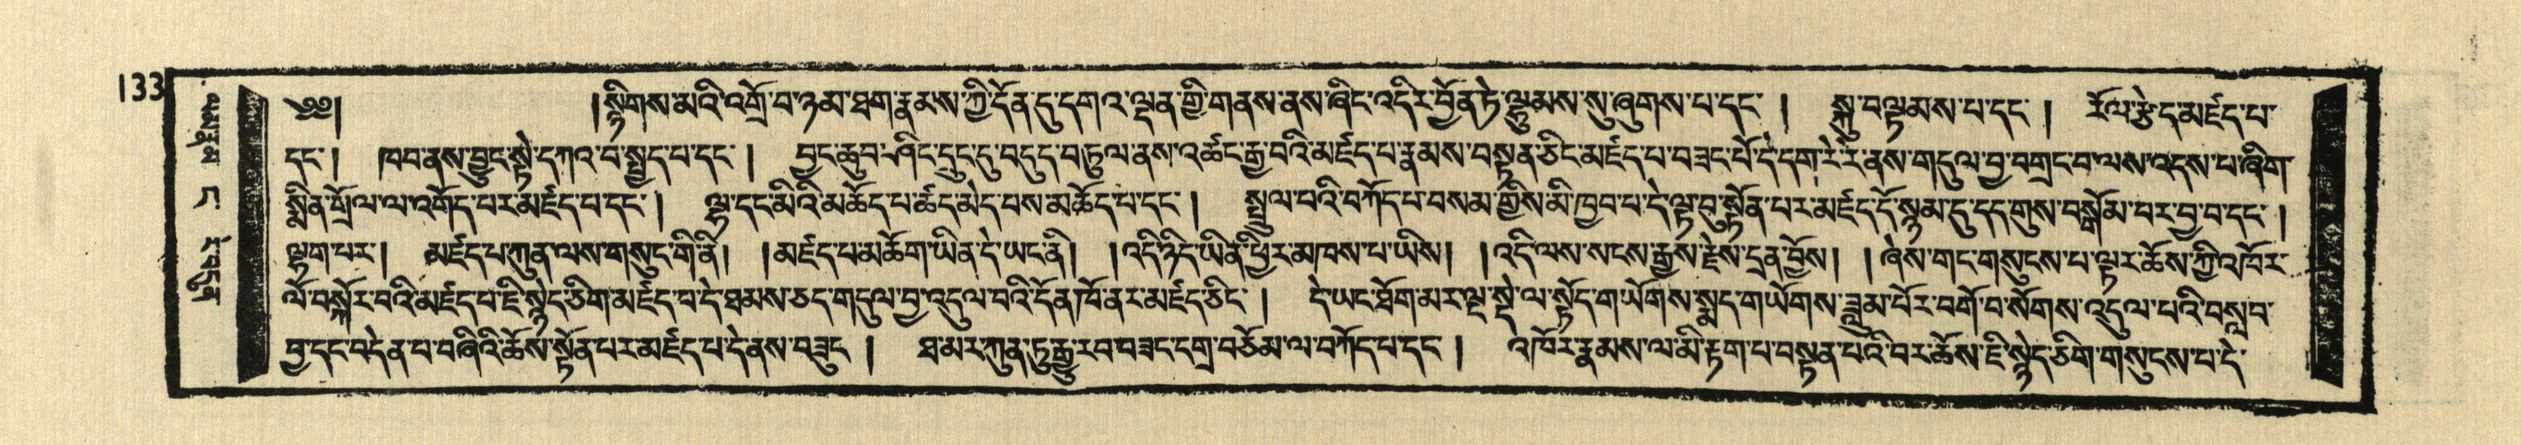༄༅། །སྙིགས་མའི་འགྲོ་བ་ཉམ་ཐག་རྣམས་ཀྱི་དོན་དུ་དགའ་ལྡན་གྱི་གནས་ནས་ཞིང་འདིར་བྱོན་ཏེ་ལྷུམས་སུ་ཞུགས་པ་དང་། སྐུ་བལྟམས་པ་དང་། རོལ་རྩེད་མཛད་པ་
དང་། ཁབ་ནས་བྱུང་སྟེ་དཀའ་བ་སྤྱད་པ་དང་། བྱང་ཆུབ་ཤིང་དྲུང་དུ་བདུད་བཏུལ་ནས་འཚང་རྒྱ་བའི་མཛད་པ་རྣམས་བསྟན་ཅིང་མཛད་པ་བཟང་པོ་དེ་དག་རེ་རེ་ནས་གདུལ་བྱ་བགྲང་བ་ལས་འདས་པ་ཞིག་
སྨིན་གྲོལ་ལ་འགོད་པར་མཛད་པ་དང་། ལྷ་དང་མིའི་མཆོད་པ་ཚད་མེད་པས་མཆོད་པ་དང་། སྤྲུལ་པའི་བཀོད་པ་བསམ་གྱིས་མི་ཁྱབ་པ་དེ་ལྟ་བུ་སྟོན་པར་མཛད་དོ་སྙམ་དུ་དད་གུས་བསྒོམ་པར་བྱ་བ་དང་།
ལྷག་པར། མཛད་པ་ཀུན་ལས་གསུང་གི་ནི། །མཛད་པ་མཆོག་ཡིན་དེ་ཡང་ནི། །འདི་ཉིད་ཡིན་ཕྱིར་མཁས་པ་ཡིས། །འདི་ལས་སངས་རྒྱས་རྗེས་དྲན་བྱོས། །ཞེས་གང་གསུངས་པ་ལྟར་ཆོས་ཀྱི་འཁོར་
ལོ་བསྐོར་བའི་མཛད་པ་ཇི་སྙེད་ཅིག་མཛད་པ་དེ་ཐམས་ཅད་གདུལ་བྱ་འདུལ་བའི་དོན་ཁོ་ནར་མཛད་ཅིང་། དེ་ཡང་ཐོག་མར་ལྔ་སྡེ་ལ་སྟོད་གཡོགས་སྨད་གཡོགས་ཟླུམ་པོར་བགོ་བ་སོགས་འདུལ་པའི་བསླབ་
བྱ་དང་བདེན་པ་བཞིའི་ཆོས་སྟོན་པར་མཛད་པ་དེ་ནས་བཟུང་། ཐ་མར་ཀུན་ཏུ་རྒྱུ་རབ་བཟང་དགྲ་བཅོམ་ལ་བཀོད་པ་དང་། འཁོར་རྣམས་ལ་མི་རྟག་པ་བསྟན་པའི་བར་ཆོས་ཇི་སྙེད་ཅིག་གསུངས་པ་དེ་